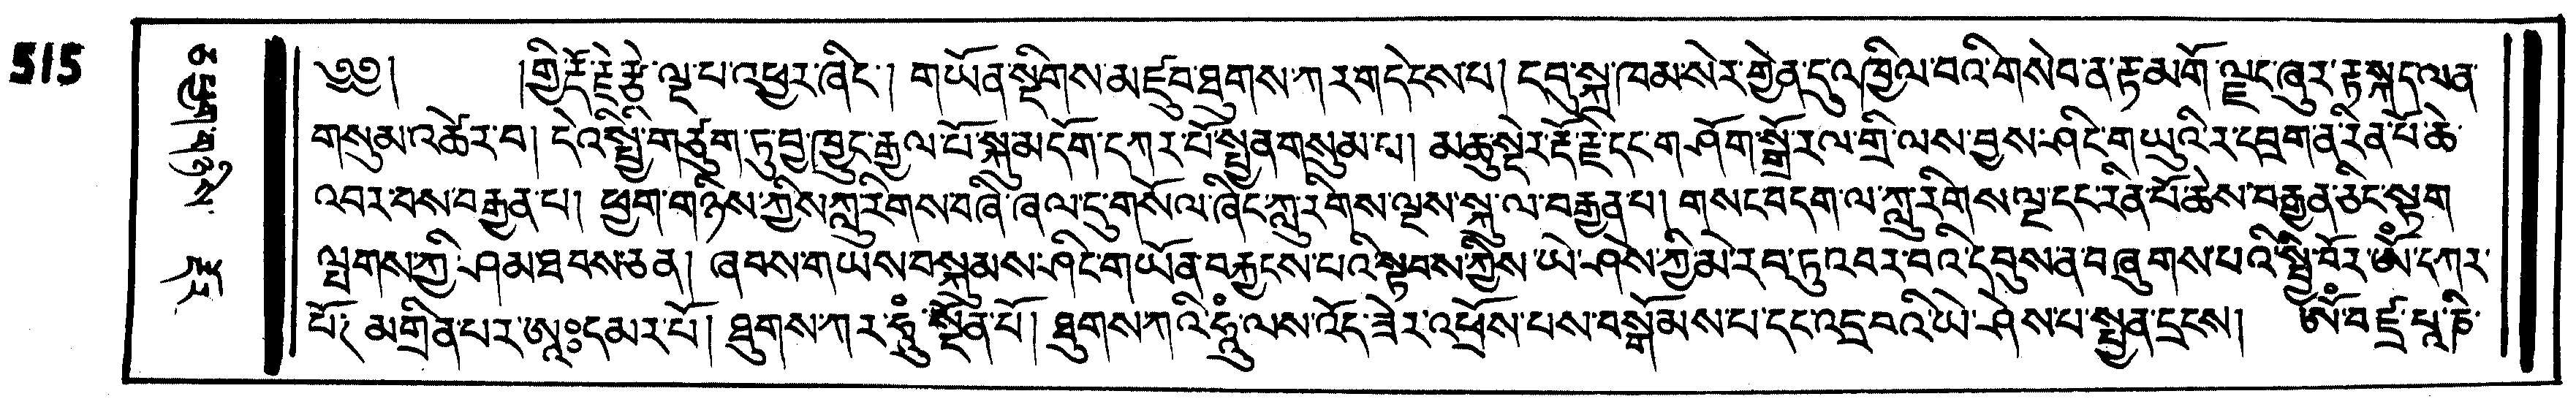༄༅། །གྱི་རྡོ་རྗེ་རྩེ་ལྔ་པ་འཕྱར་ཞིང་། གཡོན་སྡིགས་མཛུབ་ཐུགས་ཀར་གདེངས་པ། དབུ་སྐྲ་ཁམ་སེར་གྱེན་དུ་འཁྱིལ་བའི་གསེབ་ན་རྟ་མགོ་ལྗང་ཞུར་རྟ་སྐད་ལན་
གསུམ་འཚེར་བ། དེའི་སྤྱི་གཙུག་ཏུ་བྱ་ཁྱུང་རྒྱལ་པོ་སྐུ་མདོག་དཀར་པོ་སྤྱན་གསུམ་པ། མཆུ་སྡེར་རྡོ་རྗེ་དང་གཤོག་སྒྲོ་རལ་གྲི་ལས་བྱས་ཤིང་གཡུའི་ར་དབྲག་ན་རིན་པོ་ཆེ་
འབར་བས་བརྒྱན་པ། ཕྱག་གཉིས་ཀྱིས་ཀླུ་རིགས་བཞི་ཞལ་དུ་གསོལ་ཞིང་ཀླུ་རིགས་ལྔས་སྐུ་ལ་བརྒྱན་པ། གསང་བདག་ལ་ཀླུ་རིགས་ལྔ་དང་རིན་པོ་ཆེས་བརྒྱན་ཅིང་སྟག་
ལྤགས་ཀྱི་ཤམ་ཐབས་ཅན། ཞབས་གཡས་བསྐུམས་ཤིང་གཡོན་བརྐྱངས་པའི་སྟབས་ཀྱིས་ཡེ་ཤེས་ཀྱི་མེ་རབ་ཏུ་འབར་བའི་དབུས་ན་བཞུགས་པའི་སྤྱི་བོར་ཨོཾ་དཀར་
པོ༑ མགྲིན་པར་ཨཱཿ དམར་པོ། ཐུགས་ཀར་ཧཱུཾ་སྔོན་པོ། ཐུགས་ཀའི་ཧཱུཾ་ལས་འོད་ཟེར་འཕྲོས་པས་བསྒོམས་པ་དང་འདྲ་བའི་ཡེ་ཤེས་པ་སྤྱན་དྲངས། ཨོཾ་བཛྲ་པཱ་ཎི་